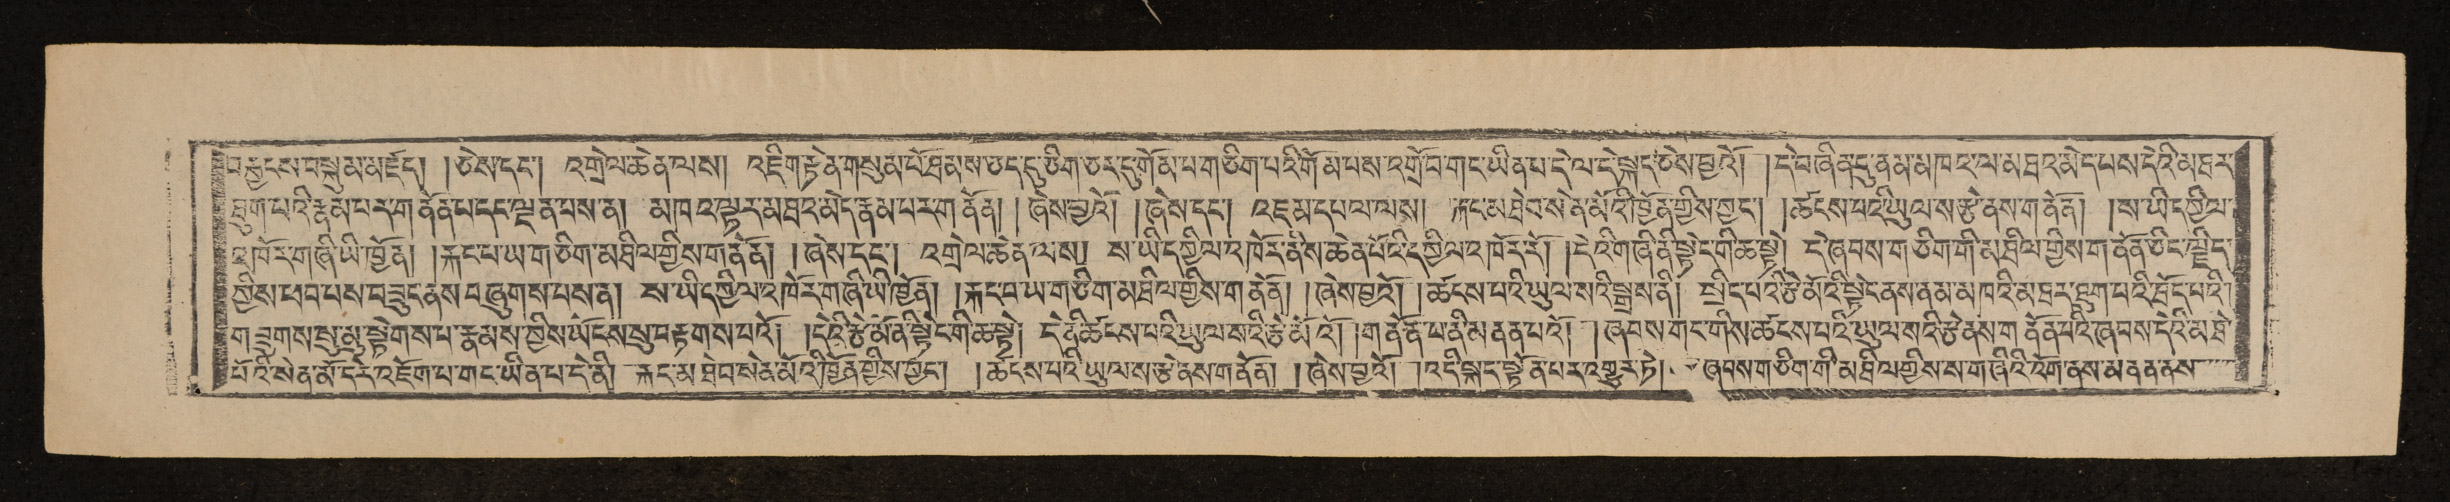བརྐྱངས་བསྐུམ་མཛད། །ཅེས་དང་། འགྲེལ་ཆེན་ལས། འཇིག་རྟེན་གསུམ་པོ་ཐམས་ཅད་དུ་ཅིག་ཅར་དུ་གོམ་པ་གཅིག་པའི་གོམ་པས་འགྲོ་བ་གང་ཡིན་པ་དེ་ལ་དེ་སྐད་ཅེས་བྱའོ། །དེ་བཞིན་དུ་ནམ་མཁའ་ལ་མཐའ་མེད་པས་དེའི་མཐར་
ཐུག་པའི་རྣམ་པར་གནོན་པ་དང་ལྡན་པས་ན། མཁའ་ལྟར་མཐའ་མེད་རྣམ་པར་གནོན། །ཞེས་བྱའོ། །ཞེས་དང་། འཇམ་དཔལ་ལས། རྐང་མཐེལ་སེན་མོའི་ཁྱོན་གྱིས་ཀྱང་། །ཚངས་པའི་ཡུལ་ས་རྩེ་ནས་གནོན། །ས་ཡི་དཀྱིལ་
འཁོར་གཞི་ཡི་ཁྱོན། །རྐང་པ་ཡ་གཅིག་མཐིལ་གྱིས་གནོན། །ཞེས་དང་། འགྲེལ་ཆེན་ལས། ས་ཡི་དཀྱིལ་འཁོར་ནི་ས་ཆེན་པོའི་དཀྱིལ་འཁོར་རོ། །དེའི་གཞི་ནི་སྟེང་གི་ཆ་སྟེ། དེ་ཞབས་གཅིག་གི་མཐིལ་གྱིས་གནོན་ཅིང་ལྗིད་
ཀྱིས་ཕབ་པས་བཟུང་ནས་བཞུགས་པས་ན། ས་ཡི་དཀྱིལ་འཁོར་གཞི་ཡི་ཁྱོན། །རྐང་པ་ཡ་གཅིག་མཐིལ་གྱིས་གནོན། །ཞེས་བྱའོ། །ཚངས་པའི་ཡུལ་སའི་སྒྲས་ནི། སྲིད་པའི་རྩེ་མོའི་སྟེང་ནས་ནམ་མཁའི་མཐར་ཐུག་པའི་ཐོད་པའི་
གཟུགས་སུ་མུ་སྟེགས་པ་རྣམས་ཀྱིས་ཡོངས་སུ་བརྟགས་པའོ། །དེའི་རྩེ་མོ་ནི་སྟེང་གི་ཆ་སྟེ། དེ་ནི་ཚངས་པའི་ཡུལ་སའི་རྩེ་མོའོ། །གནོན་པ་ནི་མནན་པའོ། །ཞབས་གང་གིས་ཚངས་པའི་ཡུལ་སའི་རྩེ་ནས་གནོན་པའི་ཞབས་དེའི་མཐེ་
པོའི་སེན་མོ་དེར་འཇོག་པ་གང་ཡིན་པ་དེ་ནི། རྐང་མཐེབ་སེན་མོའི་ཁྱོན་གྱིས་ཀྱང་། །ཚངས་པའི་ཡུལ་ས་རྩེ་ནས་གནོན། །ཞེས་བྱའོ། །འདི་སྐད་སྟོན་པར་འགྱུར་ཏེ། ཞབས་གཅིག་གི་མཐིལ་གྱིས་ས་གཞིའི་འོག་ནས་མནན་ནས།